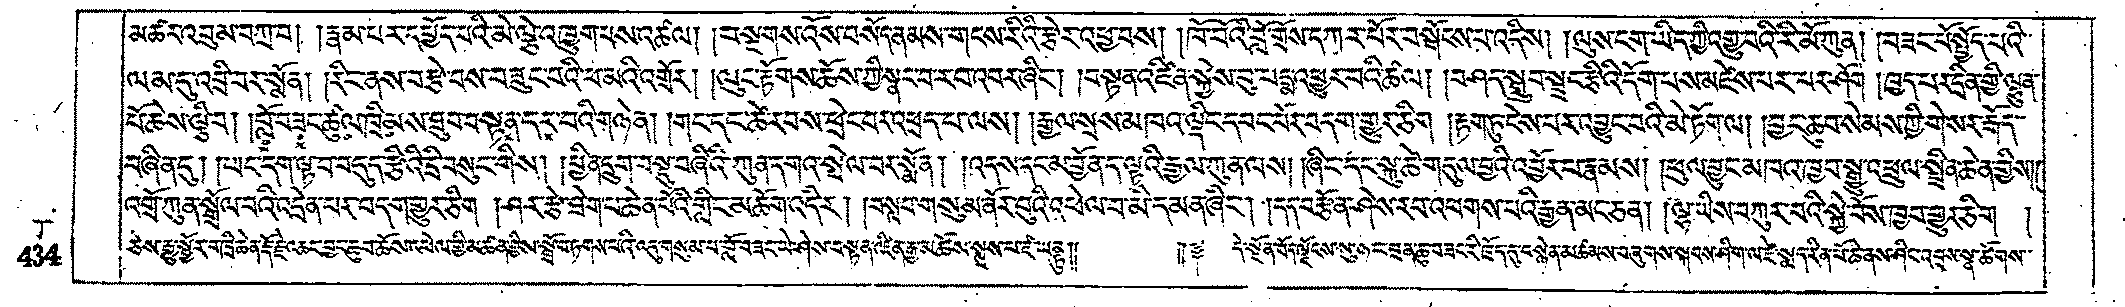མཚར་འབུམ་བཀྲ་བ། །རནམ་པར་དཔྱོད་པའི་མེ་ལྕི་འཁྱུག་པས་འཚལ། །བསྔགས་འོས་བསོད་ནམས་གངས་རིའི་རྩེར་འཕྱ་བས། །ཁོ་བོའི་བློ་གྲོས་དཀར་པོར་བསྒོངས་པ་འདིས། །ལུས་ངག་ཡིད་ཀྱི་འབྒྱུ་བའི་རི་མོ་ཀུན། །བཟང་པོ་སྤྱོད་པའི་་་
ལམ་དུ་འབྲི་བར་སྨོན། །རིང་ནས་བརྩེ་བས་བཟུང་བའི་ཕ་མའི་འགྲོར། །ལུང་རྟོགས་ཆོས་ཀྱི་སྣང་བ་རབ་འབར་ཞིང་། །བསྟན་འཛིན་སྐྱེས་བུ་པདམ་འཕྱུར་བའི་ཚལ། །བཤད་སྒྲུབ་སྦྲང་རྩིའི་དོག་པས་མཛེས་པར་པར་ཤོག །ཁྱད་པར་དྲིན་གྱི་ལྷུན་
པོ་ཆེས་ལྕི་བ། །བློ྾྾་བཟང྾྾་ཚུལ྾་ཁྲིམས྾་ཐུབ་བསྟན྾་དར྾་བའི་གཉེན། །གང་དགན་ཚེ་རབས་ཕེང་བར་འཕྲད་པ་ལས། །རྒྱས་སྲས་མཁ་ལྡིང་དབང་པོར་བདག་གྱུར་ཅིག །རྟག་ཏུ་ངེས་པར་འབྱུང་བའི་མེ་ཏོག་ལ། །བྱང་ཆུབ་སེམས་ཀྱི་གེ་སར་རྒོད་་་
བཞིན་དུ། །ཡང་དག་ལྟ་བ་བདུད་རྩིའི་དྲི་བསུང་གིས། །ཕྱིན་དྲུག་བསྡུ་བཞིའི་ཀུན་དགའ་སྤེལ་བར་སྨོན། །འདས་དང་མ་བྱོན་ད་ལྷའི་རྒྱལ་ཀུན་ལས། །ཞིང་དང་སྐུ་ཚེ་གདུལ་བྱའི་འབྱོར་པ་རྣམས། །ཕུལ་བྱུང་མཁའ་ཁྱབ་སྒྱུ་འཕྲུལ་སྤྲིན་ཆེན་གྱིས།།
འགྲོན་ཀུན་སྒྲོལ་བའི་འདྲེན་པར་བདག་གྱུར་ཅིག། །ཤར་རྩེ་ཐེག་པ་ཆེན་པོའི་གླིང་མཆོག་འདིར། །བསླབ་གསུམ་ནོར་བུའི་འཕེལ་བ་མི་དམན་ཞིང་། །དད་བརྩོན་ཤེས་རབ་འཕགས་པའི་རྒྱན་མང་ཅན། །ལྷ་ཡིས་བཀུར་བའི་སྐྱེ་བོས་ཁྱབ་གྱུར་ཅིག།
ཅེས་རྒྱུ་སྦྱོར་བྑྲི་ཆེན་རྡོ་རཇ་འཆང་བྱང་ཆུབ་ཆོས་འཕེལ་གྱི་མཚན་གྱིས་སྒྲོ་བཏགས་པའི་འདུག་གསུམ་པ་བློ་བཟང་ཡེ་ཤེས་བསྟན་འཛིན་རྒྱ་མཚོས་སྨྲས་པ་ཛ་ཡྣྟུ།། །།འ་དེ་སྣོགན་བོད་ལྗོངས་སུ་ཉང་བྲན་ཆུ་བཟང་རི་ཁྲོད་དུ་བསྙེན་མཚམས་བཞུགས་སྐབས་ཤིག་ལ་ཛེ་སྨད་རིན་པོ་ཆེ་ནས་ཤིང་བྲས་སྣ་ཚོགས་་་